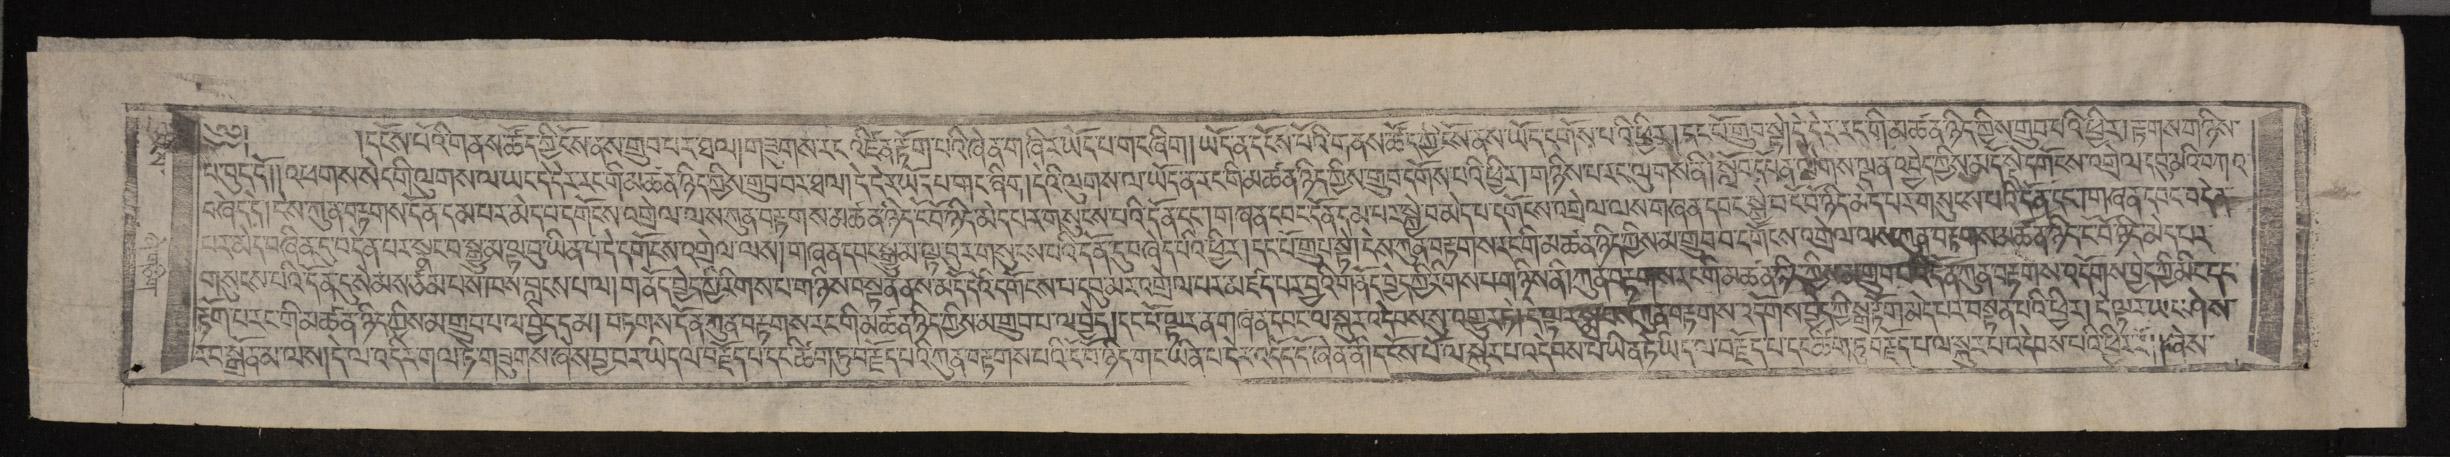༄༅། །དངོས་པོའི་གནས་ཚོད་ཀྱི་ངོས་ནས་གྲུབ་པར་ཐལ། གཟུགས་རང་འཛིན་རྟོག་པའི་ཞེན་གཞིར་ཡོད་པ་གང་ཞིག །ཡོད་ན་དངོས་པོའི་གནས་ཚོད་ཀྱི་ངོས་ནས་ཡོད་དགོས་པའི་ཕྱིར། དང་པོ་གྲུབ་སྟེ། དེ་དེར་རང་གི་མཚན་ཉིད་ཀྱིས་གྲུབ་པའི་ཕྱིར། རྟགས་གཉིས་
པ་བུད་དོ། །འཕགས་སེང་གི་ལུགས་ལ་ཡང་དེ་དེར་རང་གི་མཚན་ཉིད་ཀྱིས་གྲུབ་པར་ཐལ། དེ་དེར་ཡོད་པ་གང་ཞིག །དེའི་ལུགས་ལ་ཡོད་ན་རང་གི་མཚན་ཉིད་ཀྱིས་གྲུབ་དགོས་པའི་ཕྱིར། གཉིས་པ་རང་ལུགས་ནི། སློབ་དཔོན་ལེགས་ལྡན་འབྱེད་ཀྱིས་མདོ་སྡེ་དགོངས་འགྲེལ་དབུ་མའི་བཀར་
བཞེད་དེ། དེས་ཀུན་བརྟགས་དོན་དམ་པར་མེད་པ་དགོངས་འགྲེལ་ལས་ཀུན་བརྟགས་མཚན་ཉིད་ངོ་བོ་ཉིད་མེད་པར་གསུངས་པའི་དོན་དང་། གཞན་དབང་དོན་དམ་པར་སྐྱེ་བ་མེད་པ་དགོངས་འགྲེལ་ལས་གཞན་དབང་སྐྱེ་བ་ངོ་བོ་ཉིད་མེད་པར་གསུངས་པའི་དོན་དང་། གཞན་དབང་བདེན་
པར་མེད་བཞིན་དུ་བདེན་པར་སྣང་བ་སྒྱུ་མ་ལྟ་བུ་ཡིན་པ་དེ་དགོངས་འགྲེལ་ལས། གཞན་དབང་སྒྱུ་མ་ལྟ་བུར་གསུངས་པའི་དོན་དུ་བཞེད་པའི་ཕྱིར། དང་པོ་གྲུབ་སྟེ། དེས་ཀུན་བརྟགས་རང་གི་མཚན་ཉིད་ཀྱིས་མ་གྲུབ་པ་དགོངས་འགྲེལ་ལས་ཀུན་བརྟགས་མཚན་ཉིད་ངོ་བོ་ཉིད་མེད་པར་
གསུངས་པའི་དོན་དུ་སེམས་ཙམ་པས་ཁས་བླངས་པ་ལ། གནོད་བྱེད་ཀྱི་རིགས་པ་གཉིས་བསྟན་ནས་མདོ་དེའི་དགོངས་པ་དབུ་མར་འགྲེལ་པར་མཛད་པར་བྱའི་གནོད་བྱེད་ཀྱི་རིགས་པ་གཉིས་ནི། ཀུན་བརྟགས་རང་གི་མཚན་ཉིད་ཀྱིས་མ་གྲུབ་པའི་དོན་ཀུན་བརྟགས་འདོགས་བྱེད་ཀྱི་མིང་དང་
རྟོག་པ་རང་གི་མཚན་ཉིད་ཀྱིས་མ་གྲུབ་པ་ལ་བྱེད་དམ། བཏགས་དོན་ཀུན་བརྟགས་རང་གི་མཚན་ཉིད་ཀྱིས་མ་གྲུབ་པ་ལ་བྱེད། དང་པོ་ལྟར་ན་གཞན་དབང་ལ་སྐུར་འདེབས་སུ་འགྱུར་ཏེ། དེ་ལྟར་སྨྲ་བས་ཀུན་བརྟགས་འདོགས་བྱེད་ཀྱི་སྒྲ་རྟོག་མེད་པར་བསྟན་པའི་ཕྱིར། དེ་ལྟར་ཡང་ཤེས་
རབ་སྒྲོན་མ་ལས། དེ་ལ་འདིར་གལ་ཏེ་གཟུགས་ཞེས་བྱ་བར་ཡིད་ལ་བརྗོད་པ་དང་ཚིག་ཏུ་བརྗོད་པའི་ཀུན་བརྟགས་པའི་ངོ་བོ་ཉིད་གང་ཡིན་པ་དེར་འདོད་དོ་ཞེ་ན་ནི། དངོས་པོ་ལ་སྐུར་པ་འདེབས་པ་ཡིན་ཏེ་ཡིད་ལ་བརྗོད་པ་དང་ཚིག་ཏུ་བརྗོད་པ་ལ་སྐུར་བ་འདེབས་པའི་ཕྱིར་རོ། །ཞེས་